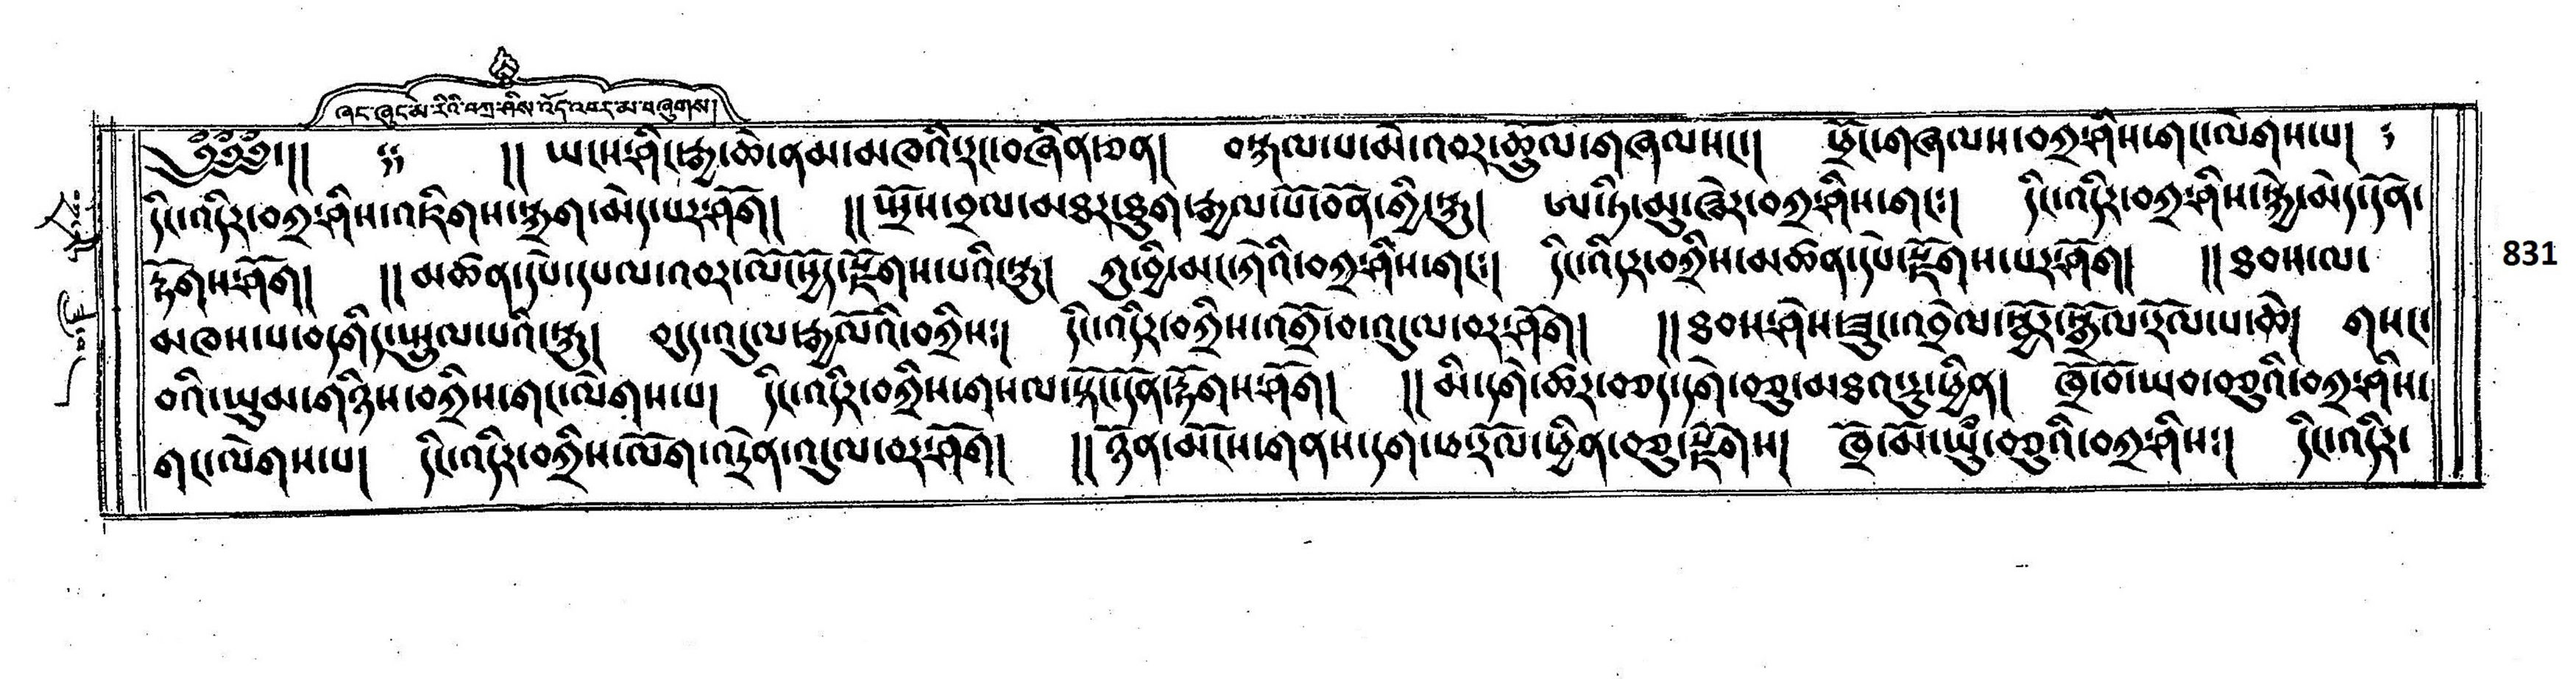ཞང་ཞུང་མེ་རིའི་བཀྲ་ཤིས་འོད་འབར་མ་བཞུགས།༄༅༅།། །།ཡངས་ཤིང་རྒྱ་ཆེ་ནམ་མཁའི་རང་བཞིན་ཅན། བསྐལ་པ་མེ་འབར་ཆོ་འཕྲུལ་གཞལ་ཡས་ཁང་། ཕོ་བྲང་གཞལ་ཡས་བཀྲ་ཤིས་གང་ལེགས་པ། 
དིང་འདིར་བཀྲ་ཤིས་འཇིགས་སྐྲག་མེད་པར་ཤོག །།སྤྲོས་བྲལ་མཐར་ཐུག་རྒྱལ་པོ་བོན་གྱི་སྐུ། ཨ་ཏི་མུ་ཝེར་བཀྲ་ཤིས་གང་༴། དིང་འདིར་བཀྲ་ཤིས་སྐྱེ་མེད་དོན་
རྟོགས་ཤོག །།མཚན་དཔེ་དཔལ་འབར་ལོངས་སྤྱོད་རྫོགས་པའི་སྐུ། ཀུ་བྱི་མང་ཀེའི་བཀྲ་ཤིས་གང་༴། དིང་འདིར་བཀྲ་ཤིས་མཚན་དཔེ་རྫོགས་པར་ཤོག །།ཐབས་ལ་
མཁས་པ་བདག་ཉིད་སྤྲུལ་པའི་སྐུ། བདུད་འདུལ་རྒྱལ་པོའི་བཀྲ་ཤིས༴། དིང་འདིར་བཀྲ་ཤིས་འགྲོ་བ་འདུལ་བར་ཤོག །།ཐབས་ཤེས་ཟུང་འབྲེལ་སྦྱོར་སྒྲོལ་རོལ་པ་ཆེ། གསང་
བའི་ཡུམ་གཉིས་བཀྲ་ཤིས་གང་ལེགས་པ། དིང་འདིར་བཀྲ་ཤིས་གསལ་སྟོང་དོན་རྟོགས་ཤོག །།མི་དགེ་ཚར་བཅད་དགེ་བཅུ་མཐའ་རུ་ཕྱིན། ཁྲོ་བོ་ཡབ་བཅུའི་བཀྲ་ཤིས་
གང་ལེགས་པ། དིང་འདིར་བཀྲ་ཤིས་ལོག་འདྲེན་འདུལ་བར་ཤོག །།ཉོན་མོངས་གནས་དག་ཕ་རོལ་ཕྱིན་བཅུ་རྫོགས། ཁྲོ་མོ་ཡུམ་བཅུའི་བཀྲ་ཤིས༴། དིང་འདིར་